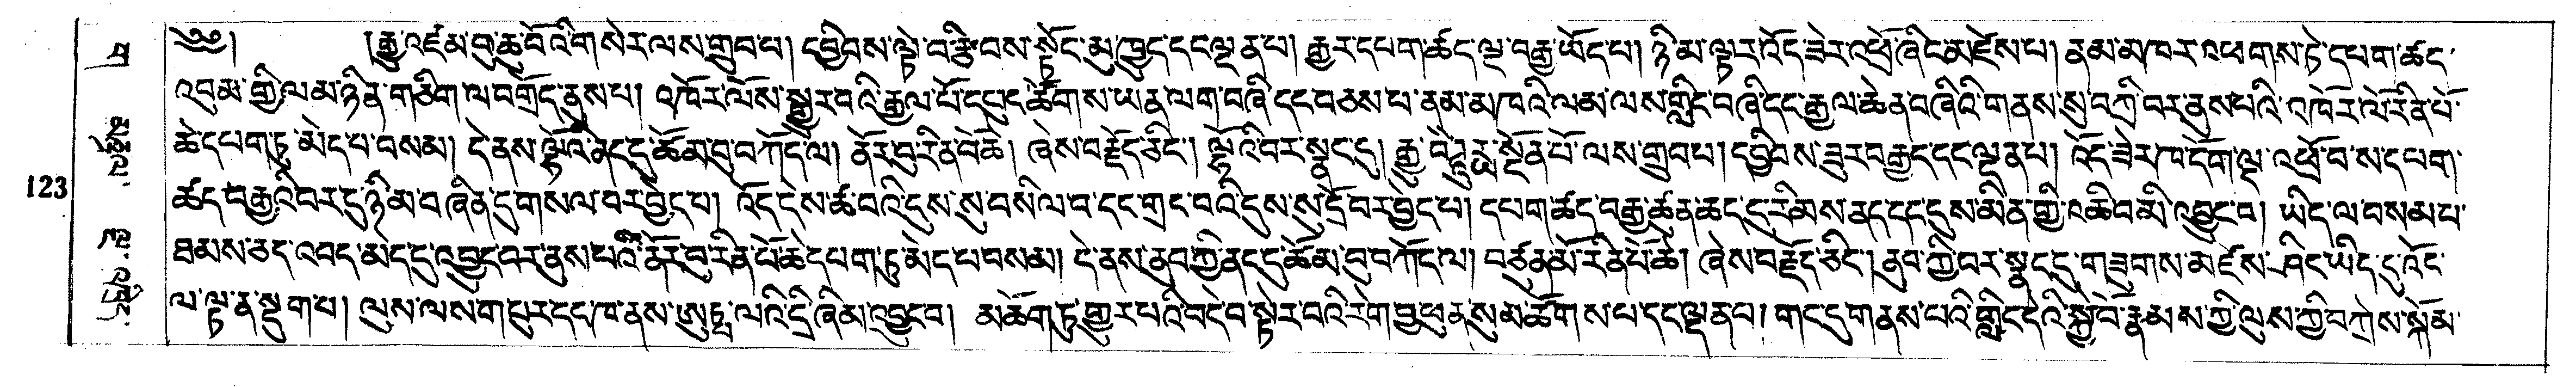༄༅། །རྒྱུ་འཛམ་བུ་ཆུ་བོའི་གསེར་ལས་གྲུབ་པ། དབྱིབས་ལྟེ་བ་རྩིབས་སྟོང་མུ་ཁྱུད་དང་ལྡན་པ། རྒྱར་དཔག་ཚད་ལྔ་བརྒྱ་ཡོད་པ། ཉི་མ་ལྟར་འོད་ཟེར་འཕྲོ་ཞིང་མཛེས་པ། ནམ་མཁར་འཕགས་ཏེ་དཔག་ཚད་
འབུམ་གྱི་ལམ་ཉིན་གཅིག་ལ་བགྲོད་ནུས་པ། འཁོར་ལོས་སྒྱུར་བའི་རྒྱལ་པོ་དཔུང་ཚོགས་ཡན་ལག་བཞི་དང་བཅས་པ་ནམ་མཁའི་ལམ་ལས་གླིང་བཞི་དང་རྒྱལ་ཆེན་བཞིའི་གནས་སུ་བཀྲི་བར་ནུས་པའི་འཁོར་ལོ་རིན་པོ་
ཆེ་དཔག་ཏུ་མེད་པ་བསམ། དེ་ནས་ལྷོའི་ནང་དུ་ཚོམ་བུ་བཀོད་ལ། ནོར་བུ་རིན་པོ་ཆེ། ཞེས་བརྗོད་ཅིང་། ལྷོའི་བར་སྣང་དུ། རྒྱུ་བཻཌཱུརྱ་སྔོན་པོ་ལས་གྲུབ་པ། དབྱིབས་ཟུར་བརྒྱད་དང་ལྡན་པ། འོད་ཟེར་ཁ་དོག་ལྔ་འཕྲོ་བ་ས་དཔག་
ཚད་བརྒྱའི་བར་དུ་ཉི་མ་བཞིན་དུ་གསལ་བར་བྱེད་པ། འོད་དེས་ཚ་བའི་དུས་སུ་བསིལ་བ་དང་གྲང་བའི་དུས་སུ་དྲོ་བར་བྱེད་པ། དཔག་ཚད་བརྒྱ་ཚུན་ཆད་དུ་རིམས་ནད་དང་དུས་མིན་གྱི་འཆི་བ་མི་འབྱུང་བ། ཡིད་ལ་བསམ་པ་
ཐམས་ཅད་འབད་མེད་དུ་འབྱུང་བར་ནུས་པའི་ནོར་བུ་རིན་པོ་ཆེ་དཔག་ཏུ་མེད་པ་བསམ། དེ་ནས་ནུབ་ཀྱི་ནང་དུ་ཚོམ་བུ་བཀོད་ལ། བཙུན་མོ་རིན་པོ་ཆེ། ཞེས་བརྗོད་ཅིང་། ནུབ་ཀྱི་བར་སྣང་དུ་གཟུགས་མཛེས་ཤིང་ཡིད་དུ་འོང་
ལ་ལྟ་ན་སྡུག་པ། ལུས་ལས་ག་པུར་དང་ཁ་ནས་ཨུཏྤ་ལའི་དྲི་ཞིམ་འབྱུང་བ། མཆོག་ཏུ་གྱུར་པའི་བདེ་བ་སྟེར་བའི་རེག་བྱ་ཕུན་སུམ་ཚོགས་པ་དང་ལྡན་པ། གང་དུ་གནས་པའི་གླིང་དེའི་སྐྱེ་བོ་རྣམས་ཀྱི་ལུས་ཀྱི་བཀྲེས་སྐོམ་